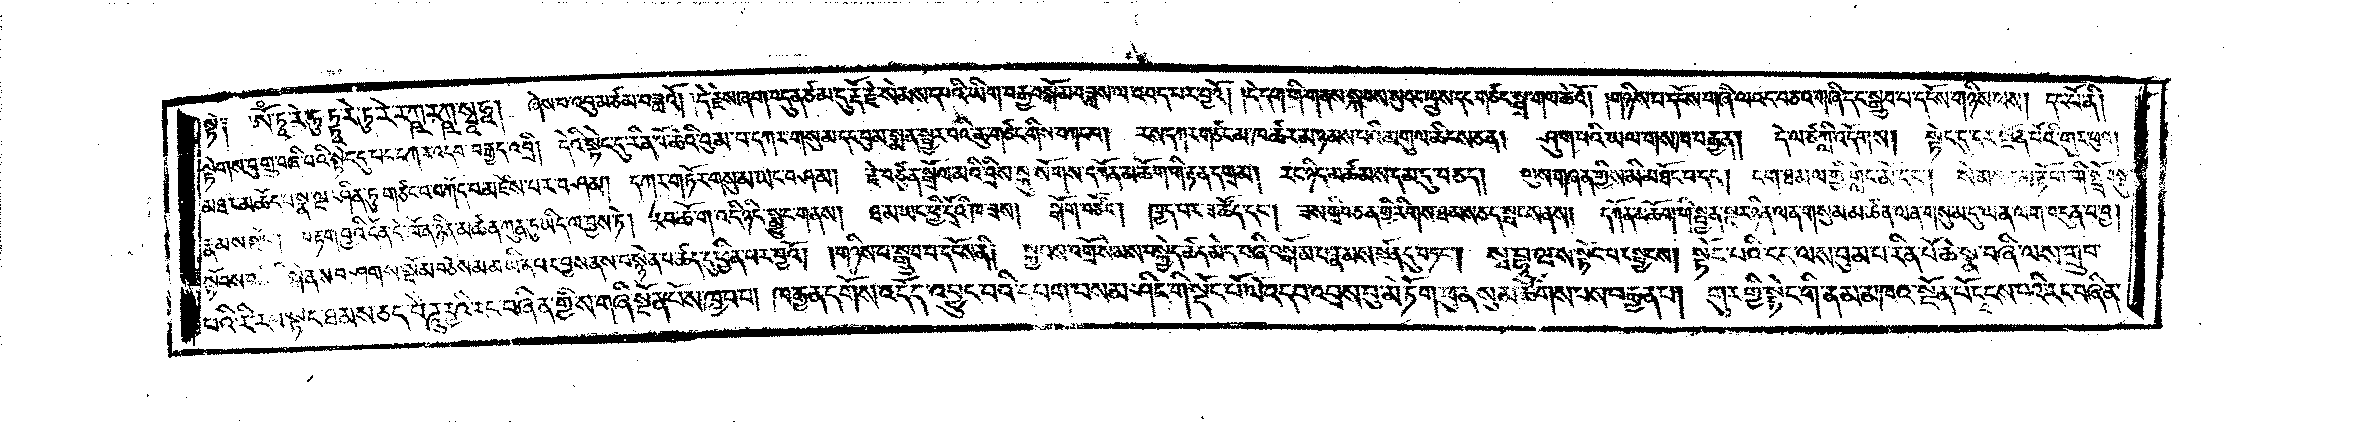སྟེ༑ ཨོཾ་ཏཱ་རེ་ཏུ་ཏྟཱ་རེ་ཏུ་རེ་རཀྵ་རཀྵ་སྭཱཧཱ། ཞེས་པ་འབུམ་ཙམ་བཟླའོ། །དེ་རྗེས་ཞག་འདུན་ཙམ་དུ་རྡོ་རྗེ་སེམས་དཔའི་ཡིག་བརྒྱ་བསྒོམ་བཟླས་ལ་འབད་པར་བྱའོ། །དེ་དག་གི་གནས་སྐབས་སུའང་ཕྲུས་དང་གཙང་སྦྲ་གལ་ཆེའོ། །གཉིས་པ་དངོས་གཞི་ལའང་བཅའ་གཞི་དང་སྒྲུབ་པ་དངོས་གཉིས་ལས། དང་པོ་ནི།
སྟེགས་བུ་གྲུ་བ་ཏི་པའི་སྟེང་དུ་པད་དཀར་འདབ་བརྒྱད་འབྲི། དེའི་སྟེང་དུ་རིན་པོ་ཆེའི་བུམ་པ་དཀར་གསུམ་དང་བུམ་སྨན་སྦྱར་བའི་ཆུ་གཙང་གིས་བཀང་བ། རས་དཀར་གཙང་མ་ཁ་ཚར་མ་ཉམས་པའི་མགུལ་ཆིངས་ཅན། ཤུག་པའི་ཡལ་གས་ཁ་བརྒྱན། དེ་ལ་ཙ་ཀླི་འདོགས། སྟེང་དུ་དར་སྔོན་པོའི་གུར་ཕུལ།
མཐར་མཆོད་པ་སྣ་ལྔ་ཤིན་ཏུ་གཙང་བ་བཀོད་བ་མཛེས་པར་བཤམ། དཀར་གཏོར་གསུམ་ཡང་བཤམ། རྗེ་བཙུན་སྒྲོལ་མའི་བྲིས་སྐུ་སོགས་དཀོན་མཆོག་གི་རྟན་དགྲམ། རང་ཉིད་མཚམས་དམ་དུ་བཅད། ལུས་གཞན་གྱིས་མི་མཐོང་བ་དང་། ངག་ཐ་མལ་གྱི་གླེང་མོ་དང་། སེམས་རྣམ་རྟོག་གི་སྤྲོ་བསྡུ་
རྣམས་སྤོད། བརྟག་བྱའི་དོན་དེ་ཁོ་ན་ཉིན་མཚན་ཀུན་ཏུ་ཡིད་ལ་བྱས་ཏེ། རབ་ཆོ་ག་འདི་ཉིད་སྨྱུང་གནས། ཐ་མ་ཡང་ཕྱི་དྲོའི་ཁ་ཟས། སྒོག་བཙོང་། ཁྱད་པར་ཟ་ཚོད་དང་། ཟས་གྲིབ་ཅན་གྱི་རིགས་ཐམས་ཅད་སྤངས་ནས། དཀོན་མཆོག་གི་སྤྱན་སྔར་ཉིན་ལག་གསུམ་མཚན་ལན་གསུམ་དུ་ཡན་ལག་བདུན་པ་བྱ།
སྟོབས་བཞིའི་སྒོ་ནས་བཤགས་སྡོམ་བཅོས་མ་མ་ཡིན་པར་བྱས་ནས་བསྙེན་པ་ཚད་དུ་ཕྱིན་པར་བྱའོ། །གཉིས་པ་སྒྲུབ་པ་དངོས་ནི། སྐྱབས་འགྲོ་སེམས་བསྐྱེད་ཚད་མེད་བཞི་བསྒོམ་པ་རྣམས་སྔོན་དུ་བཏང་། སྭ་བྷཱ་ཝས་སྟོང་པར་སྦྱངས། སྟོང་པའི་ངང་ལས་བུམ་པ་རིན་པོ་ཆེ་སྣ་བཞི་ལས་གྲུབ་
པའི་རི་རབ་སྟེང་ཐམས་ཅད་བཻཌཱུརྱའི་རང་བཞིན་གྱིས་གཞི་སྔོན་པོས་ཁྱབ་པ། ཁ་རྒྱན་དགོས་འདོད་འབྱུང་བའི་དཔག་བསམ་ཤིང་གི་སྡོང་པོ་ལོ་འདབ་འབྲས་བུ་མེ་ཏོག་ཕུན་སུམ་ཚོགས་པས་བརྒྱན་པ། གུར་གྱི་སྟེང་གི་ནམ་མཁའ་སྔོན་པོ་དྭངས་པའི་རང་བཞིན་